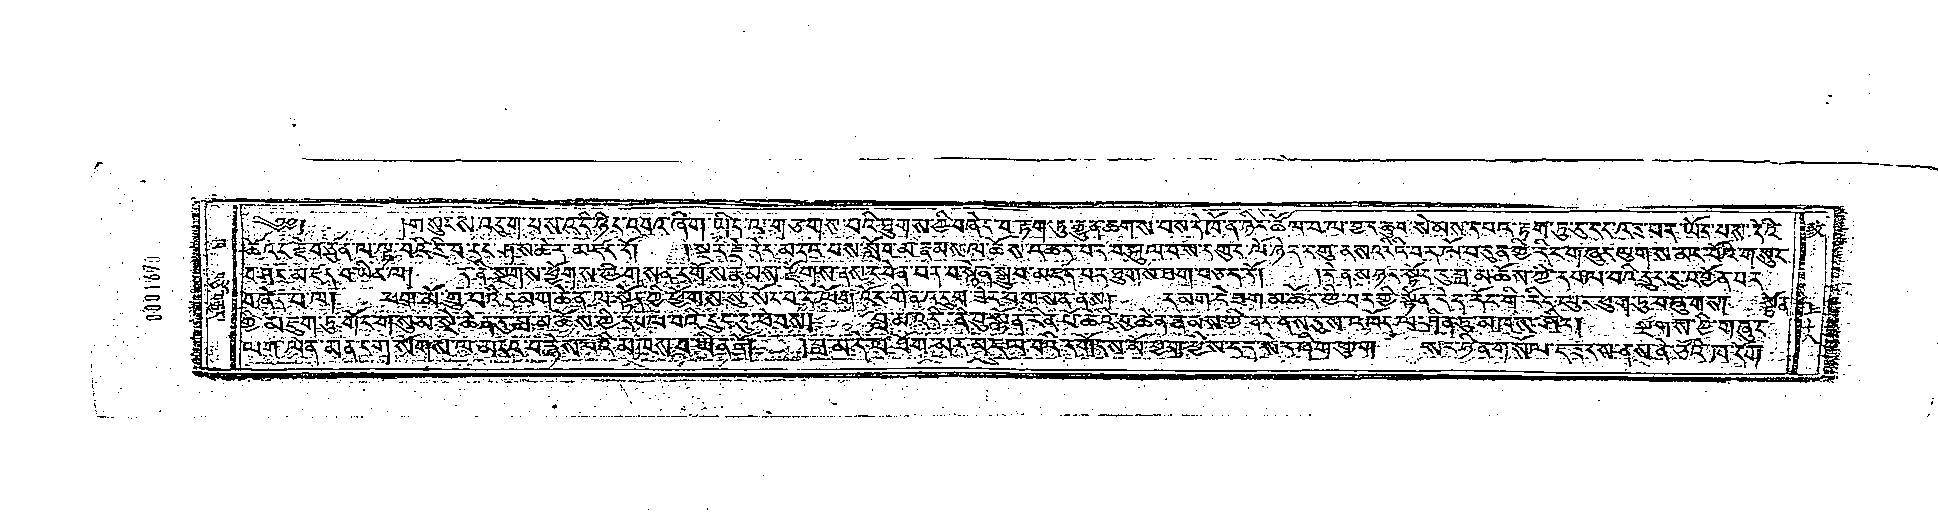༄༅། །གསུངས་འདུག་པས་འདི་ཉིད་འབའ་ཞིག་ཡིད་ལ་གཅགས་པའི་ཐུགས་ཀྱི་བཞེར་པ་རྟག་ཏུ་རྒྱུན་ཆགས་པས་དེ་ཁོ་ན་ཉིད་ཚོལ་བ་ལ་བྱང་ཆུབ་སེམས་དཔའ་རྟག་ཏུ་དུ་དང་འདྲ་བར་ཡོད་པས་དེའི་
ཚེའང་རྗེ་བཙུན་ལ་ལྟ་བའི་དྲི་བ་རང་ཤས་ཆེར་མཛད་དོ། །སྔར་རྗེ་རེད་མངའ་བས་སློབ་མ་རྣམས་ལ་ཆོས་འཆད་བར་བསྐུལ་བས་དགུང་ལོ་ཉེར་དགུ་ནས་འདིའི་བར་ལོ་བདུན་གྱི་རིང་གཞུང་ལུགས་མང་བོའི་གསུང་
བཤད་མཛད་བ་ཡིན་ལ། ད་ནི་སྔགས་ཕྱོགས་ཀྱི་གསན་དགོས་རྣམས་རྫོགས་ནས་དབེན་པར་བསྙེན་སྒྲུབ་མཛད་བར་ཐུགས་ཐག་བཅད་དོ། །དེ་ནས་ཉད་སྟོང་དུ་བླ་མ་ཆོས་ཀྱི་དཔལ་བའི་དྲུང་དུ་འབྱོན་བར་
བ་ཞེད་བ་ལ། ཕག་མོ་གྲུ་པའི་དམག་ཆེན་ལ་སྟོད་ཀྱི་ཕྱོགས་སུ་སོང་བ་དེ་ལོག་འོང་གིན་འདུག་ཟེར་བ་གསན་ནས། དམག་དེ་ཐག་མཆོད་ཀྱི་བར་གྱི་སྟོན་དེར་རོང་གི་རིང་ལུང་ཕུག་ཏུ་བཞུགས། སྟོན་
གྱི་མཇུག་ཏུ་གོང་གསུམ་སྡེ་ཆེན་དུ་བླ་མ་ཆོས་ཀྱི་དཔལ་བའི་དྲུང་དུ་ཕེབས། བླ་མ་འདི་ནི་བུ་སྟོན་རིན་པོ་ཆེའི་བུ་ཆེན་རྣམས་ཀྱི་ནང་ནས་དུས་འཁོད་ལ་ཤིན་ཏུ་མཁས་ཤིང་། སྔགས་ཀྱི་གཞུང་
ལག་ལེན་མན་ངག་སོགས་ལ་མངའ་བརྙེས་པའི་མཁས་བ་ཡིན་ནོ། །བླ་མ་དེ་ལ་ཐོག་མར་མཇལ་བའི་དགོངས་མོ་ཕྱག་ཕྱིས་དར་སེར་ཞིག་ཕུལ། སང་ཉིན་གསོལ་ཇ་དྲངས་ནས་ནེ་ཙོའི་ཁ་དོག་